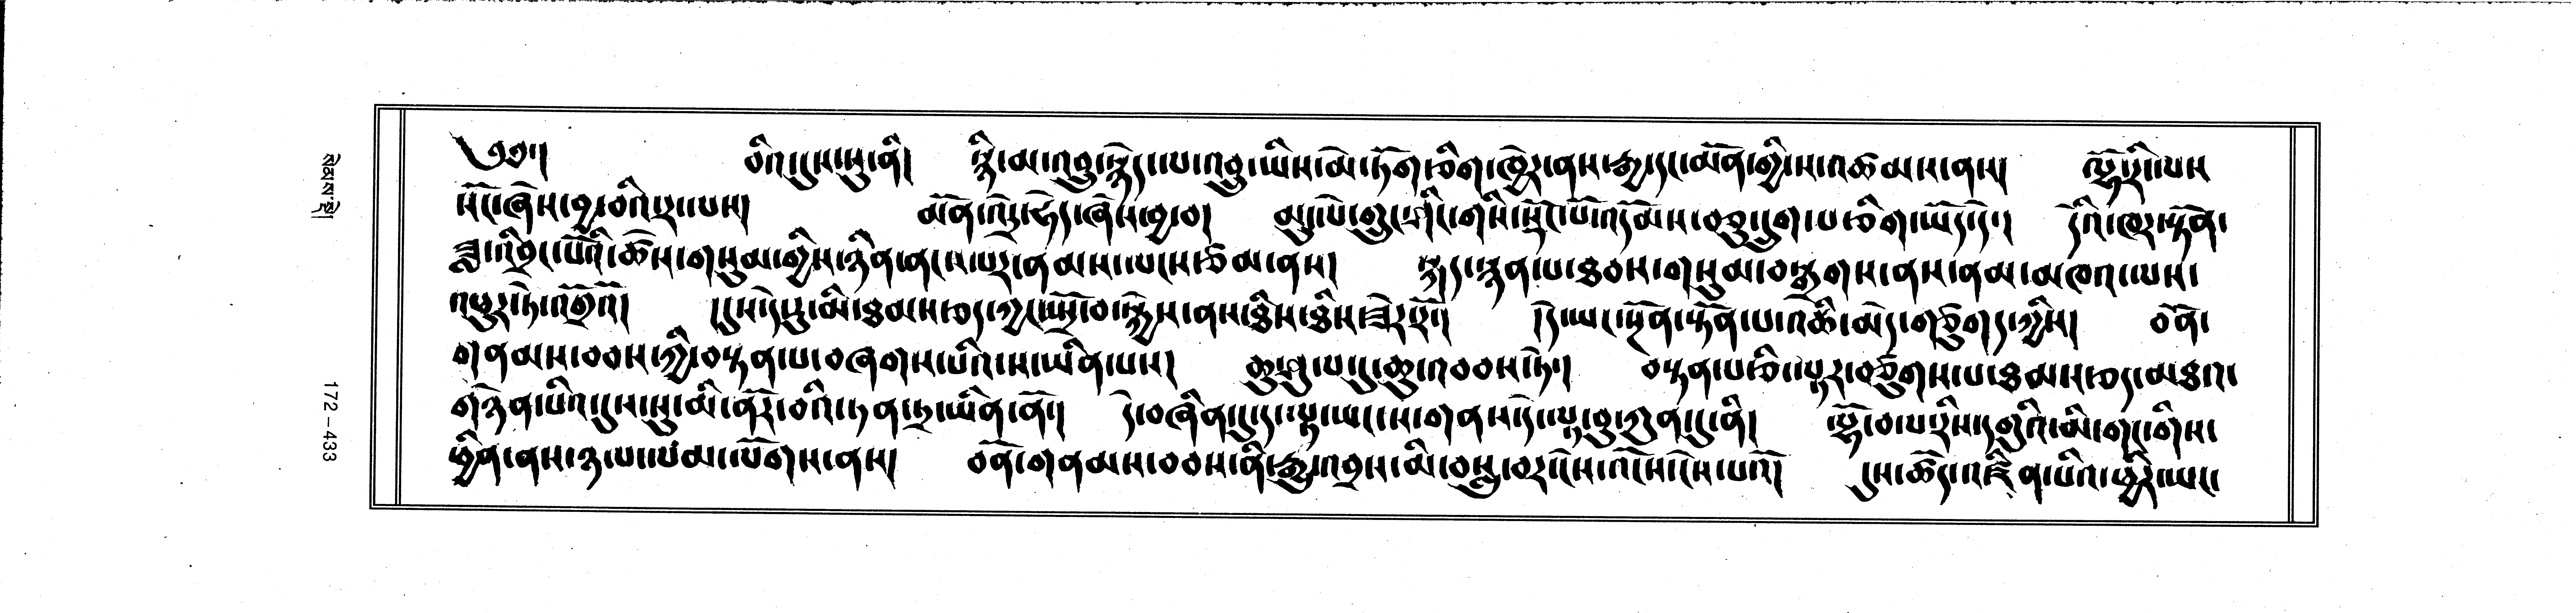བའི་དུས་སུ་ནི། སྙི་མ་འབྲུ་སྙེད་ལ་འབྲུ་ཡིས་མེ་ཏོག་ཅིག་ཁྱེར་ནས་རྒྱ་དང་མོན་གྱི་ས་འཚམས་ནས། ལྷོ་རི་ལས་
སོང་ཞེས་བྱ་བའི་རི་ལས། མོན་འདྲེ་ཧེད་ཞེས་བྱ་བ། མུ་ལེ་གྲུབ་ཤིང་གིས་སྡོང་པོ་འདོམས་བཅུ་དྲུག་པ་ཅིག་ཡོད་དེ། དེའི་ཁར་སྟོན་
ཟླ་འབྲིང་པོའི་ཚེས་གསུམ་གྱིས་ཉིན་ནངས་པར་ནམས་ལངས་ཙམ་ནས། སྐད་སྙན་པ་ཐབས་གསུམ་བསྒྲགས་ནས་ནམ་མཁའ་ལས་
འཕུར་ཏེ་འགྲོའོ། དུས་དེ་རུ་མི་ཐམས་ཅད་ཀྱང་སྤྲོ་བ་སྐྱེས་ནས་ཐིས་ཐིས་ཟེར་རོ། དེ་ཡང་སྔོན་སྟོན་པ་འཆི་མེད་གཙུག་ཕུད་ཀྱིས། བོན་
གནམས་བབས་ཀྱི་བསྟན་པ་བཞགས་པའི་ས་ཡིན་པས། ཆུ་ཤུལ་དུ་ཆུ་འབབས་ཏེ། བསྟན་པ་ཅི་ལྟར་བཙུགས་པ་ཐམས་ཅད་མཐའ་
གཉེན་པའི་དུས་སུ་མི་ནོར་བའི་ཏན་ཏྲ་ཡིན་ནོ། དེ་བཞིན་དུ་ད་ལྟ་ཡང་ས་གནས་དེ་ལྟ་བུ་ཀུན་དུ་ནི། ལྷོ་བལ་རིས་དགུའི་མི་གང་གིས་
ཕྱིན་ནས་ཉལ་ལམ་ལོགས་ནས། བོན་གནམས་བབས་ནི་རྒྱུ་འབྲས་མི་བསླུ་བར་ངེས་འོངས་ངེས་པའོ། དུས་ཚོད་འཛིན་པའི་ཕྱིར་ཡང་